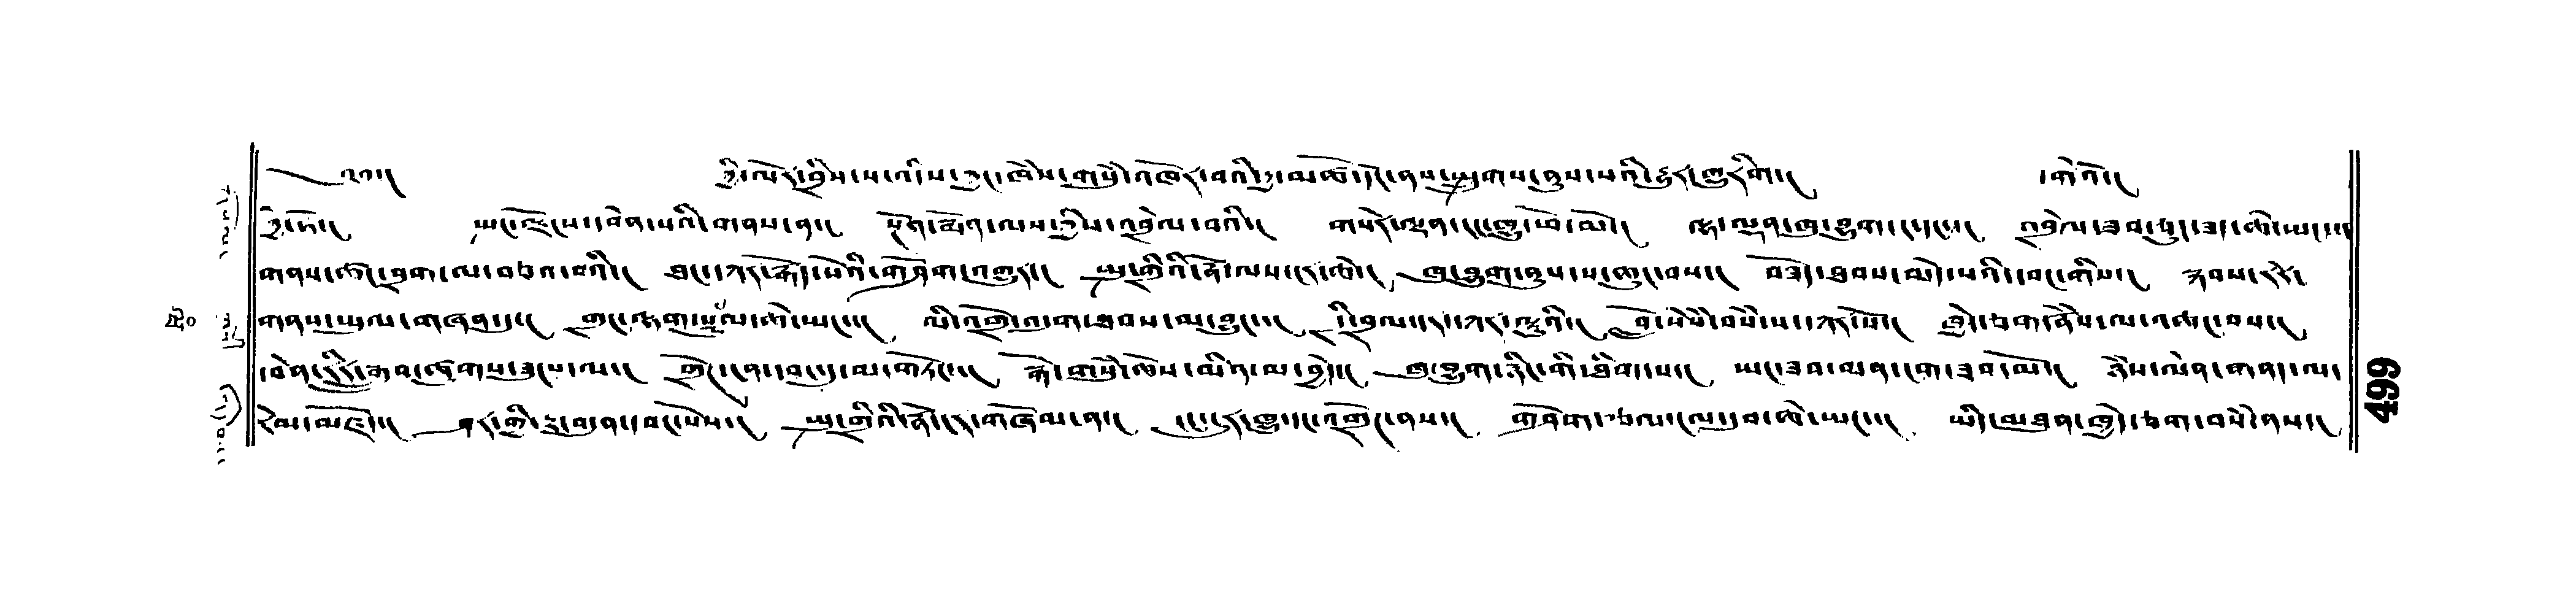ཀྱི་ལོར་བྲིས་པ་འདིས་ཀྱང་ཁམས་གསུམ་འཁོར་བའི་རྒྱ་མཚོ་དོང་ནས་སྤྲུག་ནུས་པའི་རྒྱུར་གྱུར་ཅིག དགེའོ།། 
ཀྱེ་ཧོ། སྤང་ལྗོངས་དབེན་པའི་གནས་ན། །སྔོན་སྨོན་ལས་ཀྱིས་འབྲེལ་བའི། །གསེར་ལྡན་ངང་ཁྱུ་ཕ་མོ། །ལྷ་ལྡན་ཁུ་བྱུག་ང་དང་། །འབྲེལ་ཟབ་ཅུང་ཟད་ཆེ་ཡང་། །
གནས་ཚང་བྲག་ལ་བཅའ་བའི། །ཐང་དཀར་རྒོད་པོའི་གཤོག་འགྱུར། །སྤུ་གྲིའི་རྣོ་ལས་ངར་ཆེ། ཁུ་བྱུག་ནུས་པ་ཆུང་བས། །བཟོད་ཐབས་མེད་པའི་དབང་གིས། །སྐབས་རེར་
གནས་ཡུལ་གཞན་དུ། །གྲང་ལྷག་སྡུག་བསྔལ་ཆེ་ཡང་། །མི་འགྲོ་འདུག་ཐབས་མ་བྱུང་། །དྲི་བྲལ་དར་དཀར་ལྟ་བུའི། །བློ་སེམས་བསམ་པ་དཀར་པོ། ཁྱེད་ཅག་རྣམས་ལ་འཆང་བས། །
དབེན་རིར་སྒྲུབ་ཚུགས་ཟུངས་ལ། །གྲོགས་ངན་དབང་དུ་མ་གཏོང་། །སྒོ་གསུམ་ཅོས་མིན་མ་བྱེད། ཁུ་བྱུག་སྙིང་གི་ཐིག་པ། །ཡང་ཟབ་མན་ངག་ཟབ་མོ། །ཉམས་ལེན་གནད་ལ་
རེམ་མཛོད། །ཤར་གྱིར་རྟ་བདུན་དབང་པོས། །སྤུ་གྲིའི་རྣོ་ངར་གཞོམ་ན། །ངང་ངུར་ཁྱུ་དང་འགྲོགས་ནས། །གཤོག་རྩལ་ངལ་དུབ་ཆེ་ཡང་། །ཡིད་མཐུན་ཁྱེད་ཅག་བསམ་ནས།